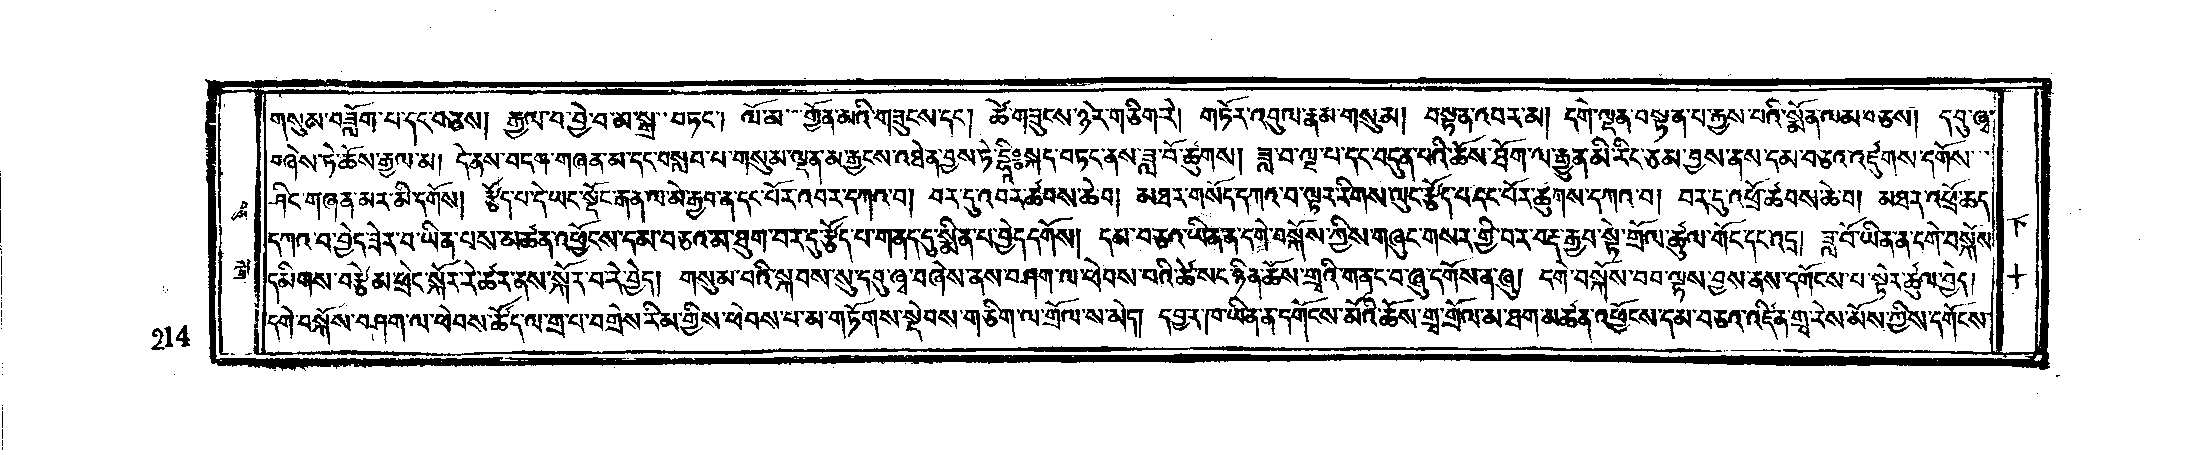གསུམ་བཟློག་པ་དང་བཅས། རྒྱལ་བ་བྱེ་བ་མ་སྒྲ་བཏང་། ལོ་མ་གྱོན་མའི་གཟུངས་དང་། ཚེ་གཟུངས་ཉེར་གཅིག་རེ། གཏོར་འབུལ་རྣམ་གསུམ། བསྟན་འབར་མ། དགེ་ལྡན་བསྟན་པ་རྒྱས་པའི་སྨོན་ལམ་བཅས། དབུ་ཞྭ་
བཞེས་ཏེ་ཆོས་རྒྱལ་མ། དེ་ནས་བདག་གཞན་མ་དང་བསླབ་པ་གསུམ་ལྡན་མ་རྒྱངས་འཐེན་བྱས་ཏེ་དྷཱིཿསྐད་བཏང་ནས་ཟླ་བོ་ཚུགས། ཟླ་བ་ལྔ་པ་དང་བདུན་པའི་ཆོས་ཐོག་ལ་རྒྱུན་མི་རིང་ཅམ་བྱས་ནས་དམ་བཅའ་འཛུགས་དགོས་
ཤིང་གཞན་མར་མི་དགོས། རྩོད་པ་དེ་ཡང་སྡོང་རྒན་ལ་མེ་རྒྱབ་ན་དང་པོར་འབར་དཀའ་བ། བར་དུ་འབར་ཚབས་ཆེ་བ། མཐར་གསོད་དཀའ་བ་ལྟར་རིགས་ལུང་རྩོད་པ་དང་པོར་ཚུགས་དཀའ་བ། བར་དུ་འཕྲོ་ཚབས་ཆེ་བ། མཐར་འཕྲོ་ཆད་
དཀའ་བ་བྱེད་ཟེར་བ་ཡིན་པས་མཚན་འཕྱོངས་དམ་བཅའ་མ་ཐུག་བར་དུ་རྩོད་པ་གནད་དུ་སྨིན་པ་བྱེད་དགོས། དམ་བཅའ་ཡིན་ན་དགེ་བསྐོས་ཀྱིས་གཞུང་གསར་གྱི་བར་བརྡ་རྒྱབ་སྟེ་གྲོལ་ཚུལ་གོང་དང་འདྲ། ཟླ་པོ་ཡིན་ན་དགེ་བསྐོས་
དམིགས་བརྩེ་མ་ཕྲེང་སྐོར་རེ་ཚར་ནས་སྐོར་བ་རེ་བྱེད། གསུམ་པའི་སྐབས་སུ་དབུ་ཞྭ་བཞེས་ནས་བཤག་ལ་ཕེབས་པའི་ཚེ་སང་ཉིན་ཆོས་གྲྭའི་གནང་བ་ཞུ་དགོས་ན་ཞུ། དགེ་བསྐོས་བབ་ལྟས་བྱས་ནས་དགོངས་པ་སྟེར་ཚུལ་བྱེད།
དགེ་བསྐོས་བཤག་ལ་ཕེབས་ཚོད་ལ་གྲ་པ་བགྲེས་རིམ་གྱིས་ཕེབས་པ་མ་གཏོགས་སྡེབས་གཅིག་ལ་གྲོལ་ས་མེད། དབྱར་ཁ་ཡིན་ན་དགོངས་མོའི་ཆོས་གྲྭ་གྲོལ་མ་ཐག་མཚན་འཕྱོངས་དམ་བཅའ་འཛིན་གྲྭ་རེས་མོས་ཀྱིས་དགོངས་